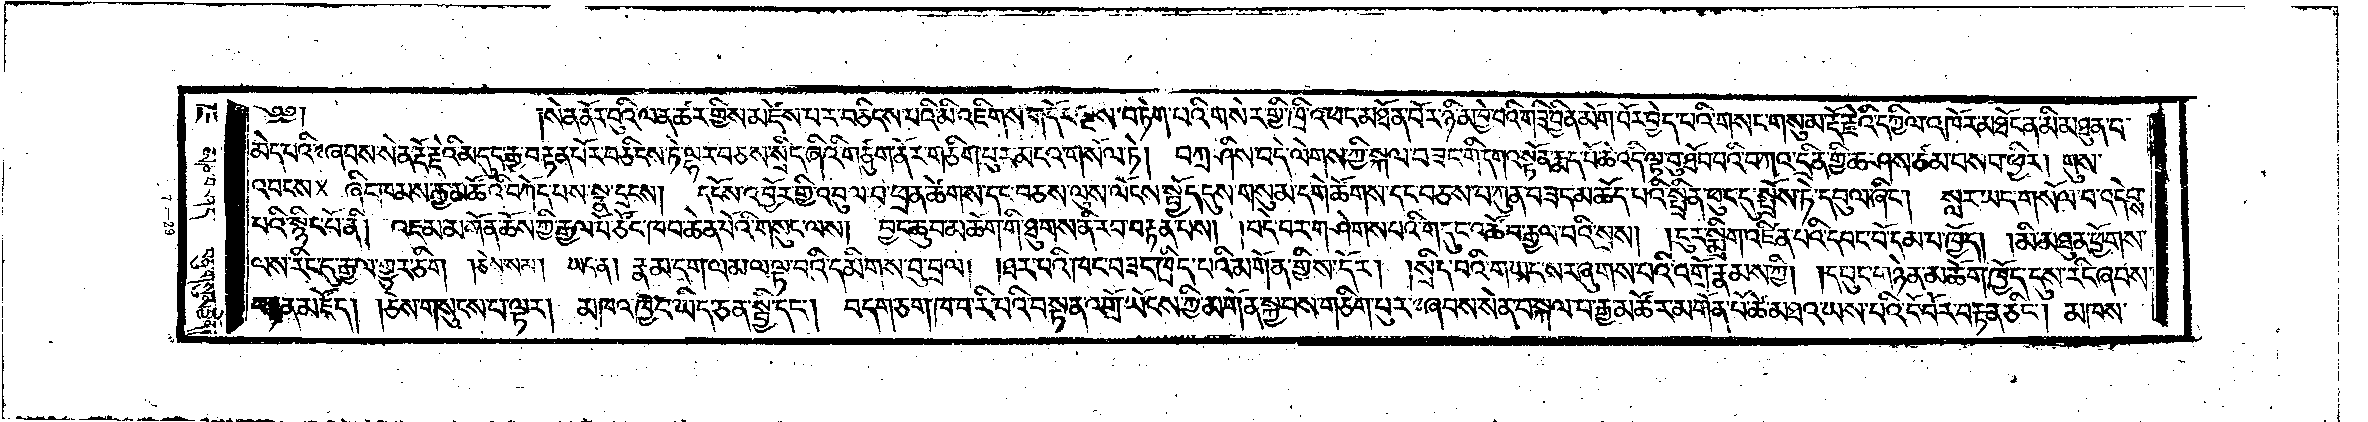༄༅། །སེན་ནོར་བུའི་ལན་ཚར་གྱིས་མཛེས་པར་བཅིངས་པའི་མི་འཇིགས་གདོང་ལྔས་བཏེག་པའི་གསེར་གྱི་ཁྲི་འཕང་མཐོན་པོར་ཉི་མ་བྱེ་བའི་གཟི་བྱིན་མོག་པོར་བྱེད་པའི་གསང་གསུམ་རྡོ་རྗེའི་དཀྱིལ་འཁོར་མཐོང་ན་མི་མཐུན་པ་
མེད་པའི ༧ཞབས་སེན་རྡོ་རྗེའི་མདུད་རྒྱ་བརྟན་པོར་བཅིངས་ཏེ་ལྷར་བཅས་སྲིད་ཞིའི་གཙུག་ནོར་གཅིག་པུར་མངའ་གསོལ་ཏེ། བཀྲ་ཤིས་བདེ་ལེགས་ཀྱི་སྐལ་བཟང་གི་དགའ་སྟོན་རྨད་པོ་ཆེ་འདི་ལྟ་བུ་ཐོབ་བའི་བཀའ་དྲིན་གྱི་ཆ་ཤས་ཙམ་བསབ་ཕྱིར། གུས་
འབངས་྾་ཞིང་ཁམས་རྒྱ་མཚོའི་བཀོད་པས་སྣ་དྲངས། དངོས་འབྱོར་གྱི་འབུལ་བ་ཕྲན་ཚེགས་དང་བཅས་ལུས་ལོངས་སྤྱོད་དུས་གསུམ་དགེ་ཚོགས་དང་བཅས་པ་ཀུན་བཟང་མཆོད་པའི་སྤྲིན་ཕུང་དུ་སྤྲོས་ཏེ་དབུལ་ཞིང་། སླར་ཡང་གསོལ་བ་འདེབས་
པའི་སྙིང་པོ་ནི། འཇམ་མགོན་ཆོས་ཀྱི་རྒྱལ་པོ་ཙོང་ཁ་བ་ཆེན་པོའི་གསུང་ལས། བྱང་ཆུབ་མཆོག་གི་ཐུགས་ནི་རབ་བརྟན་པས། །བདེ་བར་གཤེགས་པའི་གདུང་འཚོབ་རྒྱལ་བའི་སྲས། །དུར་སྨྲིག་འཛིན་པའི་དབང་པོ་དམ་པ་ཁྱོད། །མི་མཐུན་ཕྱོགས་
ལས་རིང་དུ་རྒྱལ་གྱུར་ཅིག་།ཅེས་སམ། ཡང་ན།  རྣམ་དག་ལམ་ལ་ལྟ་བའི་དམིགས་བུ་བྲལ། །ཐར་པའི་ཁང་བཟང་ཁྲིད་པའི་མགོན་གྱིས་དོར། །སྲིད་བའི་གཡང་སར་ཞུགས་པའི་འགྲོ་རྣམས་ཀྱི། །དཔུང་གཉེན་མཆོག་ཁྱོད་དུས་རིང་ཞབས་
བསྟན་མཛོད། །ཅེས་གསུངས་པ་ལྟར། མཁའ་ཁྱབ་ཡིད་ཅན་སྤྱི་དང་། བདག་ཅག་ཁ་བ་རི་བའི་བསྟན་འགྲོ་ཡོངས་ཀྱི་མགོན་སྐྱབས་གཅིག་པུར ༧ཞབས་སེན་བསྐལ་བ་རྒྱ་མཚོར་མགོན་པོ་ཚེ་མཐའ་ཡས་པའི་ངོ་བོར་བརྟན་ཅིང་། མཁས་